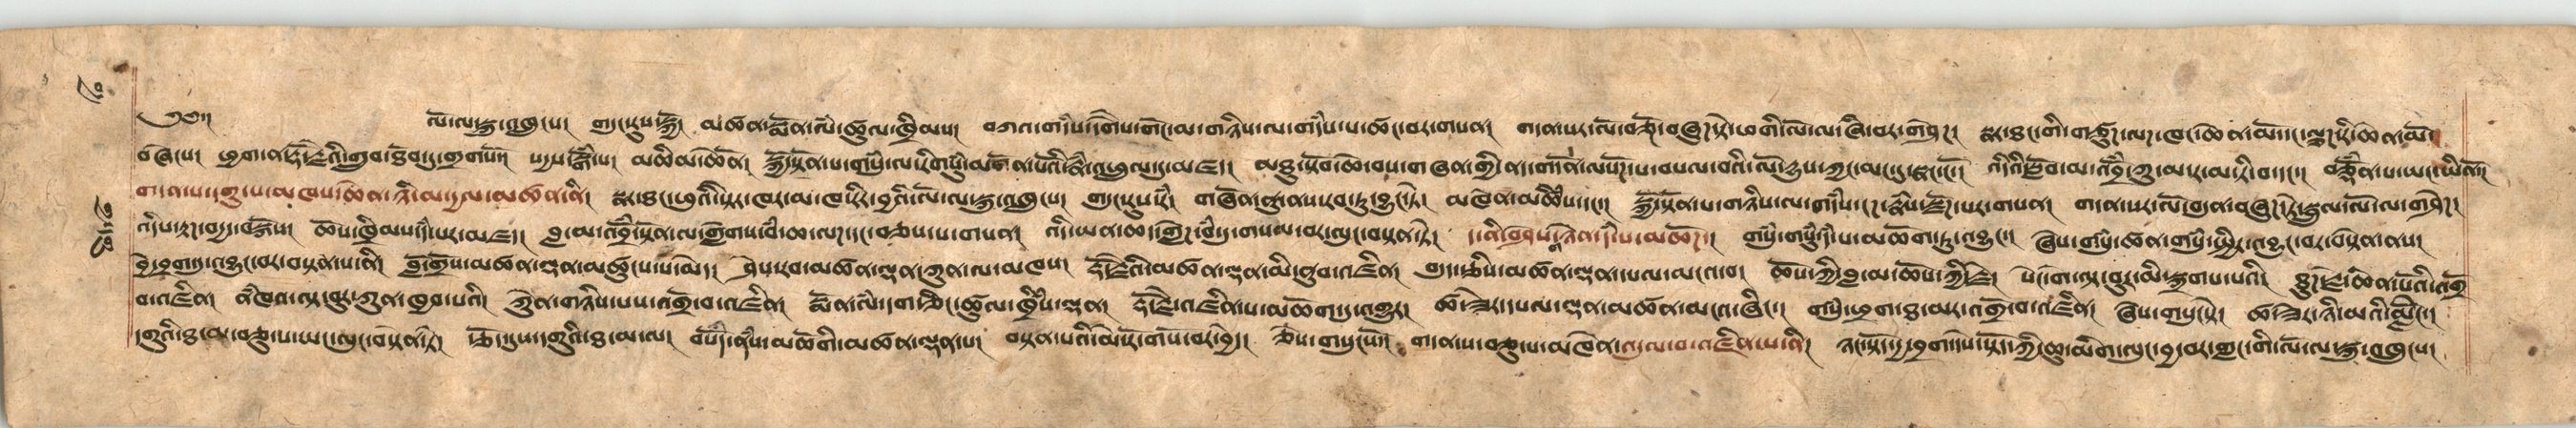ལོ་ལ་སྐུ་འཁྲུངས། གདུང་རུས་སྐྱོ། མཚན་སྨོན་ལཾ་ཚུལ་ཁྲིམས། བཀའ་གདཾས་དགཻས་གོང་མ་གཉིས་ལ་གདཾས་པ་ཚང་བར་གསན། གདན་སར་ལོ་བཅྔོ་བཞུཌ་ཏེ་ཕགི་ལོ་ལ་ཞི་བར་གཤེཌ། སྣར་ཐང་གི་གཙུཌ་ལཌ་ཁང་ཆེན་མོ་དང་ལྕཌ་རི་ཆེན་མོ་
བཞེངས་། ཕྱག་ན་རྡོ་རྗེའི་གྲུབ་ཐོབ་དུ་གྲགསོ་། སདྱས་སྒོཾ་པ། མཆིམ་ཆེནོ། སྐྱོ་སྟོན་པ་གསུཾ་ལ་རིགསུཾ་མགོན་པོའི་རྣཾ་འཕྲུལ་དུ་མཛད། མཐུ་སྟོབ་ཆེ་བས་གཞན་གྱི་ནད་གདོན་ལསོགས་པ་བསལ་བའི་ལོ་དྱུས་ཀྱང་མང་དུ་སྣང་ངོ་། འདིའི་སློབ་མ་འབྲོཾ་ཀུ་མ་ར་མ་ཏི་བ་དང་། བཅྡོཾན་པ་ཡང་ཡིནོ་།
གདན་ས་དགུ་པ་མཁས་ཆེན་ཉི་མ་དྱལ་མཚན་ནི། སྣར་ཐང་ཕུའི་སྟེར་ཁར་མ་ཁ་རིར་བྱའི་ལོ་ལ་སྐུ་འཁྲུངས། གདུང་རུས་རཾ། གཞོན་ནུ་ནས་རབ་ཏུ་བྱུང་ཏེ། མཁེན་མཆིཾས་དང་། སྐྱོ་སྟོན་པ་གཉིས་ལ་གདཾས་ངཌ་རྣཾས་སྫོཌ་པར་གསན། གདན་སར་ལོ་བདུན་བཞུཌ་ཏེ་སྦྲུལ་ལོ་ལ་གཤེཌ།
འདིས་རྟཌ་བདྱད་བསྐོས། ཆོས་ཁྲིམས་དཾ་པར་མཛད། བླ་མ་འབྲོཾ་སྟོན་ལ་གླེགས་བཾ་ཆ་ལཌ་དང་བཅས་པ་གསན། འདི་ཡན་ཆད་གླེཌ་བཾ་དུ་གསལ་བར་ལུང་བསྟན་ཏེ། ད་ནི་བཤེས་གཉེན་དཾ་པ་མཆོཌ་། གསུཾ་གསུཾ་དཾ་པ་མཆོག་ཏུ་འབྱུང་། ཞེས་གསུཾ་ཚན་གསུཾ་སྤྱིར་འབྱུང་བར་བསྟེན་ནས།
བྱེ་བྲག་དུ་འབྱུང་བར་བསྟན་པ་ནི། བློ་གྲོས་མཚན་ལྡན་མཚུངས་པ་མེད། ཤེས་རབ་མཚན་ལྡན་ཀུན་ལ་མཁས། རྡོ་རྗེའི་མཚན་ལྡན་མི་ནུབ་འཛིན། བདུད་རྩིས་མཚན་ལྡན་དཔལ་མངའ་བ། ཆོས་ཀྱི་བླ་མ་ཆོས་ཀྱི་རྗེ། སེང་གེ་ལྟ་བུར་མི་སྐྲགས་པའི། ཐུཌ་རྗེ་ཆེན་པོའི་འགྲོ
བ་འཛིན། ནཾཁའ་ལྟ་བུར་ཀུན་ཁྱབ་པའི། ཀེུན་གཉིས་པས་འགྲོ་བ་འཛིན། སྨོན་ལཾ་དག་ཅིང་ཚུལ་ཁྲིཾས་ལྡན། རྡོ་རྗེ་འཛིན་པ་མཆོག་དུ་འགྱུར། ཚ་ཟེར་དཔལ་ལྡན་མཚན་མངའ་ཞིང་། གསུཾ་ཕྲག་ཐ་མར་འགྲོ་བ་འཛིན། ཞེས་གསུངསྟེ། ཚ་ཟེར་ཉི་མའི་མླེངོ་།
དགུའི་ཐ་ན་བཅུ་པ་ཡང་ལུང་བསྟན་ཏེ། རྩོད་དུས་དགུའི་ཐ་མ་ལ། བསོད་ནཾས་མཆོགི་མཚན་ལྡན་པ། བསྟན་པའི་མེ་རོ་གསོ་བར་བྱེད། ཅེས་གསུངསོ་། གདན་ས་བཅུ་པ་མཁེན་འདུལ་བ་འཛིན་པ་ནི། ཉང་སྟོད་དྱ་བྲག་དེས་སྟོད་ཀྱི་ཆུ་མིག་ལུང་བྱ་བར་གླང་གི་ལོ་ལ་སྐུ་འཁྲུངས།